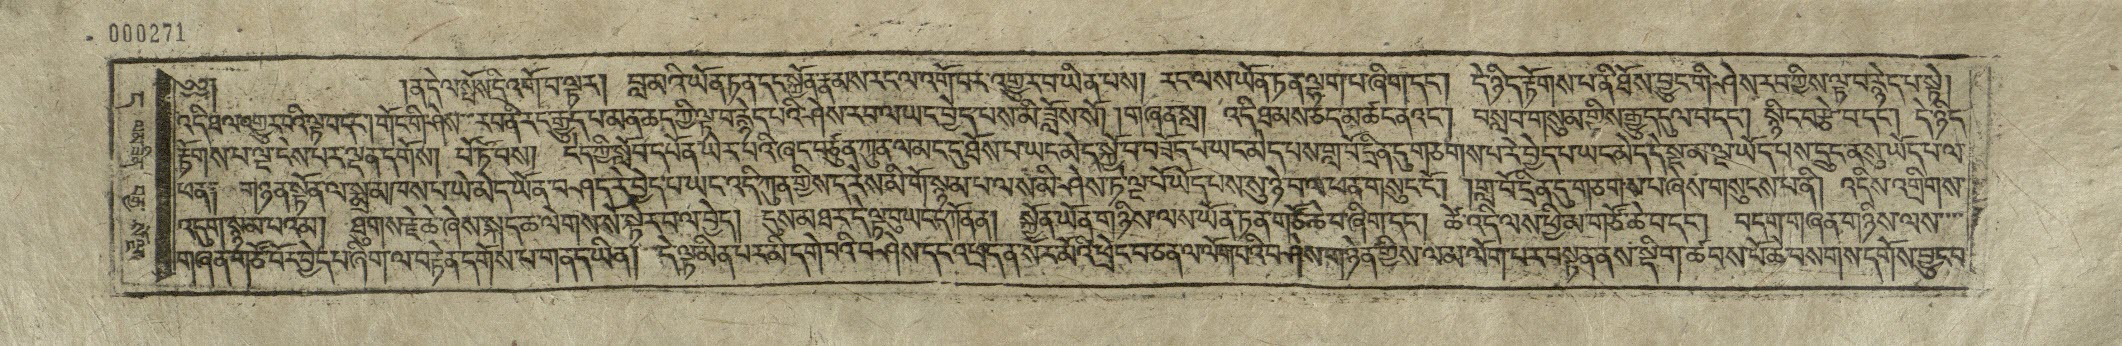༄༅། །ན་དེ་ལ་སྤོས་དྲི་འགོ་བ་ལྟར། བླ་མའི་ཡོན་ཏན་དང་སྐྱོན་རྣམས་རང་ལ་འགོ་བར་འགྱུར་བ་ཡིན་པས། རང་ལས་ཡོན་ཏན་ལྷག་པ་ཞིག་དང་། དེ་ཉིད་རྟོགས་པ་ནི་ཐོས་བྱུང་གི་ཤེས་རབ་ཀྱིས་ལྟ་བ་རྙེད་པ་སྟེ།
འདི་ཐལ་འགྱུར་བའི་ལྟ་བ་དང་། གོང་གི་ཤེས་རབ་ནི་རང་རྒྱུད་པ་མན་ཆད་ཀྱི་ལྟ་བ་རྙེད་པའི་ཤེས་རབ་ལ་ཡང་བྱེད་པས་མི་ཟློས་སོ། །གཞན་སླ། འདི་ཐམས་ཅད་མ་ཚང་ནའང་། བསླབ་གསུམ་གྱིས་རྒྱུད་དུལ་བ་དང་། རྙིང་བརྩེ་བ་དང་། དེ་ཉིད་
རྟོགས་པ་ལྔ་ངེས་པར་ལྡན་དགོས། པོ་ཏོ་བས། ངེད་ཀྱི་སློབ་དཔོན་ཡེར་པའི་ཞང་བཙུན་ཀུན་ལ་མང་དུ་ཐོས་པ་ཡང་མེད་སྐྱོ་བ་བཟོད་པ་ཡང་མེད་པས་གླ་བོ་དྲིན་དུ་གཅགས་པ་རེ་བྱེད་པ་ཡང་མེད་དེ་སྔ་མ་ལྔ་ཡོད་པས་དྲུང་ན་སུ་ཡོད་པ་ལ་
ཕན༑ གཉན་སྟོན་ལ་སྨྲ་མཁས་པ་ཡེ་མེད་ཡོན་བཤད་རེ་བྱེད་པ་ཡང་འདི་ཀུན་གྱིས་ད་རེས་མི་གོ་སྙམ་པ་ལས་མི་ཤེས་ཏེ་ལྔ་པོ་ཡོད་པས་སུ་ཉེ་བ་ལ་ཕན་གསུང་ངོ། །གླ་བོ་དྲིན་དུ་གཅགས་པ་ཞེས་གསུངས་པ་ནི། འདིས་འགྲིགས་
འདུག་སྙམ་པའམ། ཐུགས་རྗེ་ཆེ་ཞེས་སྐད་ཆ་ལེགས་སོ་སྟེར་བ་ལ་བྱེད། དུས་མཐར་དེ་ལྟ་བུ་ཡང་དཀོན་ན། སྐྱོན་ཡོན་གཉིས་ལས་ཡོན་ཏན་གཙོ་ཆེ་བ་ཞིག་དང་། ཚེ་འདི་ལས་ཕྱི་མ་གཙོ་ཆེ་བ་དང་། བདག་གཞན་གཉིས་ལས་
གཞན་གཙོ་བོར་བྱེད་པ་ཞིག་ལ་བརྟེན་དགོས་པ་གནད་ཡིན། དེ་ལྟ་མིན་པར་མི་དགེ་བའི་བཤེས་དང་འཕྲད་ན་སོར་མོའི་ཕྲེང་བ་ཅན་ལ་ལོག་པའི་བཤེས་གཉེན་གྱིས་ལམ་ལོག་པར་བསྟན་ནས་སྡིག་ཚབས་པོ་ཆེ་བསགས་དགོས་བྱུང་བ་